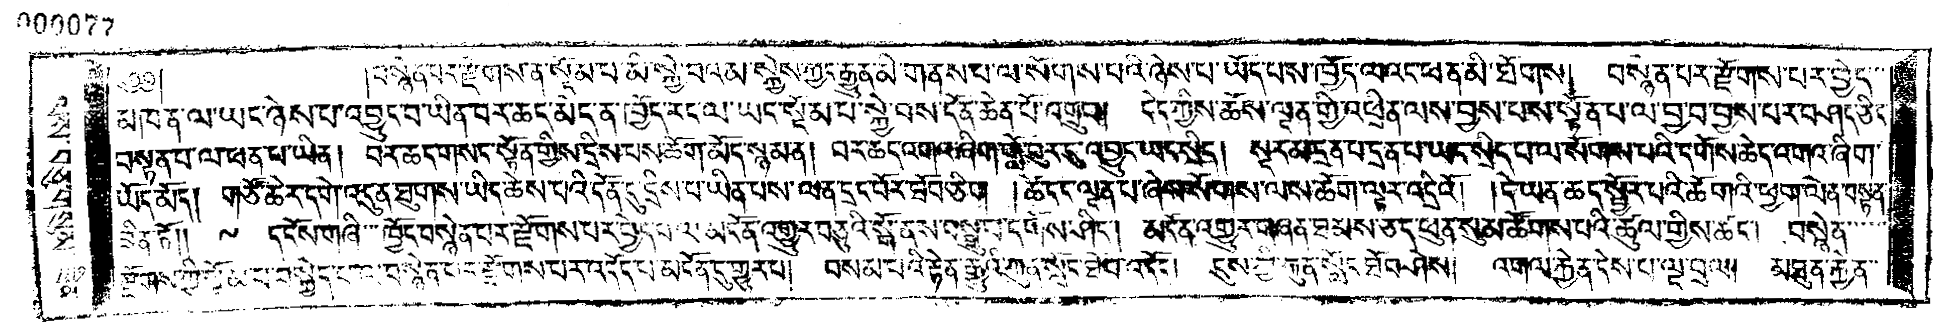༄༅། །བསྙེན་པར་རྫོགས་ན་སྡོམ་པ་མི་སྐྱེ་བའམ་སྐྱེས་ཀྱང་རྒྱུན་མི་གནས་པ་ལ་སོགས་པའི་ཉེས་པ་ཡོད་པས་ཁྱོད་ལའང་ཕན་མི་ཐོགས། བསྙེན་པར་རྫོགས་པར་བྱེད་
མཁན་ལ་ཡང་ཉེས་པ་འབྱུང་བ་ཡིན་བར་ཆད་མེད་ན་ཁྱོད་རང་ལ་ཡང་སྡོམ་པ་སྐྱེ་བས་དོན་ཆེན་པོ་འགྲུབ། ངེད་ཀྱིས་ཆོས་ལྡན་གྱི་འཕྲིན་ལས་བྱས་པས་སྟོན་པ་ལ་བྱ་བ་བྱས་པར་བཤད་ཅིང་
བསྟན་པ་ལ་ཕན་པ་ཡིན། བར་ཆད་གསང་སྟོན་གྱིས་དྲིས་པས་ཆོག་མོད་སྙམ་ན། བར་ཆད་འགའ་ཞིག་གློ་བུར་དུ་འབྱུང་ཡང་སྲིད། སྔར་མ་དྲན་པ་དྲན་པ་ཡང་སྲིད་པ་ལ་སོགས་པའི་དགོས་ཆེད་འགའ་ཞིག་
ཡོད་མོད། གཙོ་ཆེར་དགེ་འདུན་ཐུགས་ཡིད་ཆེས་པའི་དོན་དུ་དྲིས་པ་ཡིན་པས་ལན་དྲང་པོར་ཐོབ་ཅིག །ཚེ་དང་ལྡན་པ་ཞེས་སོགས་ལས་ཆོག་ལྟར་འདྲེའོ། །དེ་ཡན་ཆད་སྦྱོར་པའི་ཆོ་གའི་ཕྱག་ལེན་བསྟན་
ཟིན་ཏོ།། ༧་དངོས་གཞི་ཁྱོད་བསྙེན་པར་རྫོགས་པར་བྱེད་པ་ལ་མངོན་འགྱུར་བཅུའི་སྒོ་ནས་བསྒྲུབ་དགོས་ཤིང་། མངོན་འགྱུར་གཞན་ཐམས་ཅད་ཕུན་སུམ་ཚོགས་པའི་ཚུལ་གྱིས་ཚང་། བསྙེན་
རྫོགས་ཀྱི་སྡོམ་པ་བསྐྱེད་པ་ལ་བསྙེན་པར་རྫོགས་པར་འདོད་པ་མངོན་དུ་གྱུར་པ། བསམ་པའི་རྟེན་རྒྱུའི་ཀུན་སློང་ཐོབ་འདོད། དུས་ཀྱི་ཀུན་སློང་ཐོབ་ཤེས། འགལ་རྐྱེན་ངེས་པ་ལྔ་བྲལ། མཐུན་རྐྱེན་